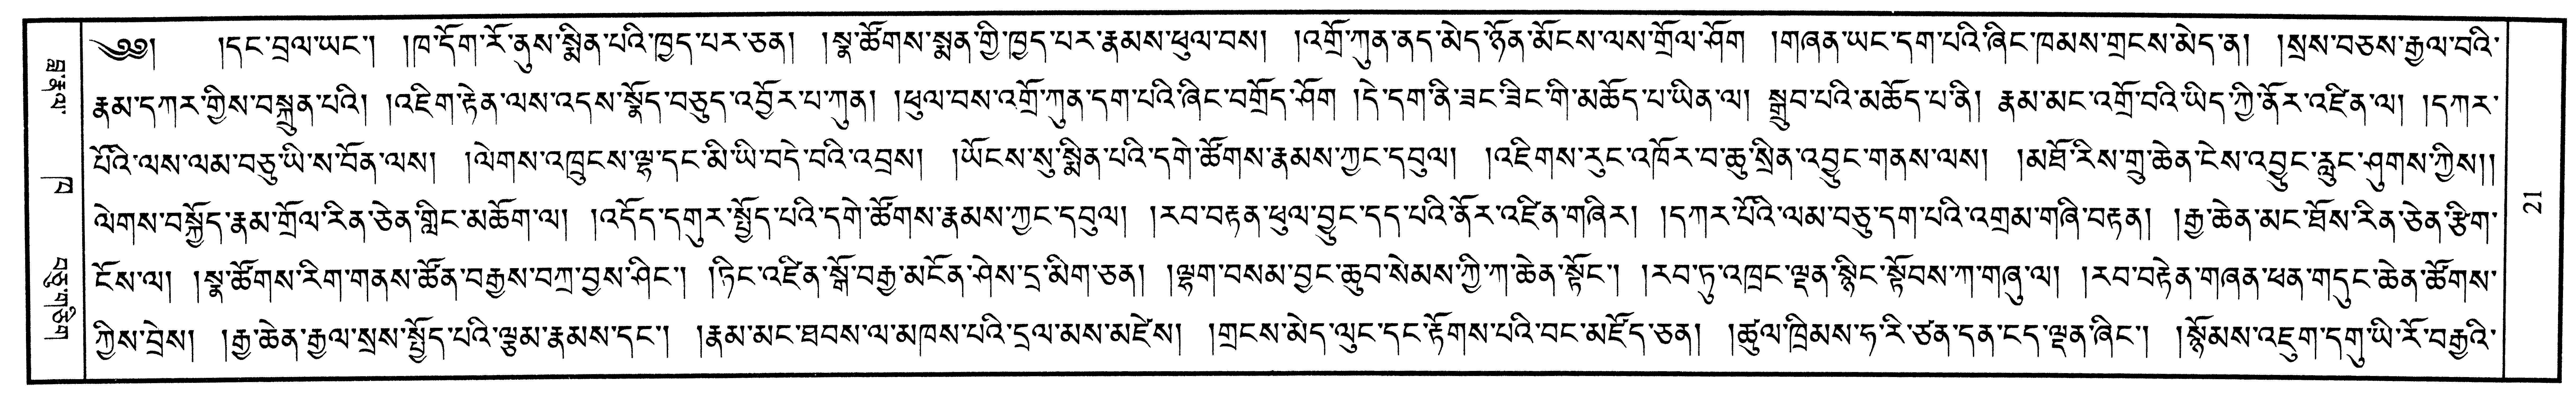༄༅། །དང་བྲལ་ཡང་། །ཁ་དོག་རོ་ནུས་སྨིན་པའི་ཁྱད་པར་ཅན། །སྣ་ཚོགས་སྨན་གྱི་ཁྱད་པར་རྣམས་ཕུལ་བས། །འགྲོ་ཀུན་ནད་མེད་ཉོན་མོངས་ལས་གྲོལ་ཤོག །གཞན་ཡང་དག་པའི་ཞིང་ཁམས་གྲངས་མེད་ན། །སྲས་བཅས་རྒྱལ་བའི་
རྣམ་དཀར་གྱིས་བསྐྲུན་པའི། །འཇིག་རྟེན་ལས་འདས་སྣོད་བཅུད་འབྱོར་པ་ཀུན། །ཕུལ་བས་འགྲོ་ཀུན་དག་པའི་ཞིང་བགྲོད་ཤོག །དེ་དག་ནི་ཟང་ཟིང་གི་མཆོད་པ་ཡིན་ལ། སྒྲུབ་པའི་མཆོད་པ་ནི། རྣམ་མང་འགྲོ་བའི་ཡིད་ཀྱི་ནོར་འཛིན་ལ། །དཀར་
པོའི་ལས་ལམ་བཅུ་ཡི་ས་བོན་ལས། །ལེགས་འཁྲུངས་ལྷ་དང་མི་ཡི་བདེ་བའི་འབྲས། །ཡོངས་སུ་སྨིན་པའི་དགེ་ཚོགས་རྣམས་ཀྱང་དབུལ། །འཇིགས་རུང་འཁོར་བ་ཆུ་སྲིན་འབྱུང་གནས་ལས། །མཐོ་རིས་གྲུ་ཆེན་ངེས་འབྱུང་རླུང་ཤུགས་ཀྱིས།།
ལེགས་བསྐྱོད་རྣམ་གྲོལ་རིན་ཅེན་གླིང་མཆོག་ལ། །འདོད་དགུར་སྤྱོད་པའི་དགེ་ཚོགས་རྣམས་ཀྱང་དབུལ། །རབ་བརྟན་ཕུལ་བྱུང་དད་པའི་ནོར་འཛིན་གཞིར། །དཀར་པོའི་ལམ་བཅུ་དག་པའི་འགྲམ་གཞི་བརྟན། །རྒྱ་ཆེན་མང་ཐོས་རིན་ཅེན་རྩིག་
ངོས་ལ། །སྣ་ཚོགས་རིག་གནས་ཚོན་བརྒྱས་བཀྲ་བྱས་ཤིང་། །ཏིང་འཛིན་སྒོ་བརྒྱ་མངོན་ཤེས་དྲ་མིག་ཅན། །ལྷག་བསམ་བྱང་ཆུབ་སེམས་ཀྱི་ཀ་ཆེན་སྟོང་། །རབ་ཏུ་འཁྲང་ལྡན་སྙིང་སྟོབས་ཀ་གཞུ་ལ། །རབ་བརྟེན་གཞན་ཕན་གདུང་ཆེན་ཚོགས་
ཀྱིས་བྲེས། །རྒྱ་ཆེན་རྒྱལ་སྲས་སྤྱོད་པའི་ལྕམ་རྣམས་དང་། །རྣམ་མང་ཐབས་ལ་མཁས་པའི་དྲལ་མས་མཛེས། །གྲངས་མེད་ལུང་དང་རྟོགས་པའི་བང་མཛོད་ཅན། །ཚུལ་ཁྲིམས་ཧ་རི་ཙན་དན་ངད་ལྡན་ཞིང་། །སྙོམས་འཇུག་དགུ་ཡི་རོ་བརྒྱའི་